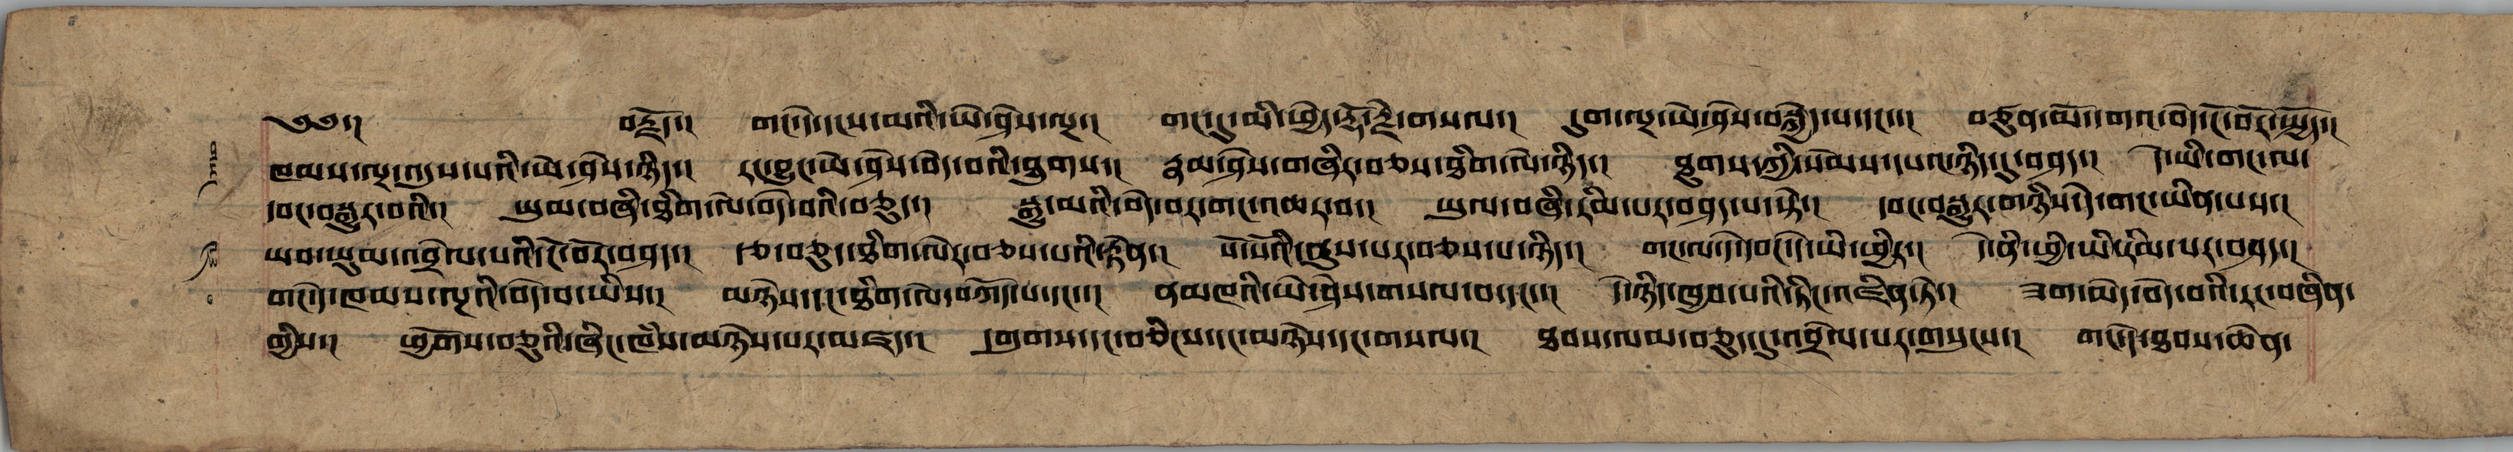༄༅་། བརྗོད་། གང་དེ་དངས་མའི་ཡེ་ཤེས་ལྔ་། གང་དུ་མི་ཕྱེད་རྡོ་རྗེ་གསལ་། དུག་ལྔ་ཡེ་ཤེས་བསྐྱེད་པ་དང་་། བཙུན་མོ་དགའ་བདེ་ངོ་བོར་སྤྱོད་།
ཁམས་ལྔ་འདུས་པའི་ཡེ་ཤེས་ཉིད་། རང་བྱུང་ཡེ་ཤེས་བདེ་བའི་ཐུགས་། རྣམ་ཤེས་གཞིར་བཅས་ཐིག་ལེ་ཉིད་། ཐུགས་ཀྱི་སེམས་དཔའ་ཉིད་དུ་བཤད་། དེ་ཡི་གང་ལ་
དབང་བསྐུར་བའི་། ཡུམ་བཞི་ཐིག་ལེ་བདེ་བའི་བཅུད་། སྒྱུ་མའི་བདེ་བར་གང་འཆར་བ་། ཡུལ་བཞི་རིམ་པར་བཤད་པ་སྟེ་། དབང་བསྒྱུར་གཉིས་དེ་གང་ཡིན་པས་།
ཡབ་ཡུམ་འབྲེལ་པའི་ངོ་བོར་བཤད་། རྩ་བཅུད་ཐིག་ལེར་བཅས་པའི་རྟེན་། སོ་སོའི་ནུས་པར་བཅས་པ་ཉིད་། གང་ལ་དེ་དབང་དེ་ཡི་ཕྱིར་། དེ་ནི་ཕྱི་ཡི་རིམ་པར་བཤད་།
གང་དེ་ཁམས་ལྔའི་བདེ་བ་ཡིན་། མཉེས་དང་ཐིག་ལེ་བཀོད་པ་དང་་། ནམཁའི་ཡེ་ཤེས་གསལ་བ་དང་་། དེ་ཉིད་ཁྱབ་པའི་ཏིང་འཛིན་ཏེ་། ཟག་མེད་བདེ་བའི་རང་བཞིན་
གྱིས་། ཕྱོགས་བཅུའི་ཞིང་ཁཾས་མཉེས་པར་མཛད་། དགུགས་དང་བཅིངས་དང་མཉེས་དང་གསལ་། ཐབས་ལམ་བཅུད་དུ་འབྲེལ་པར་གསུངས་། གང་དེ་ཐབས་ཆེན་